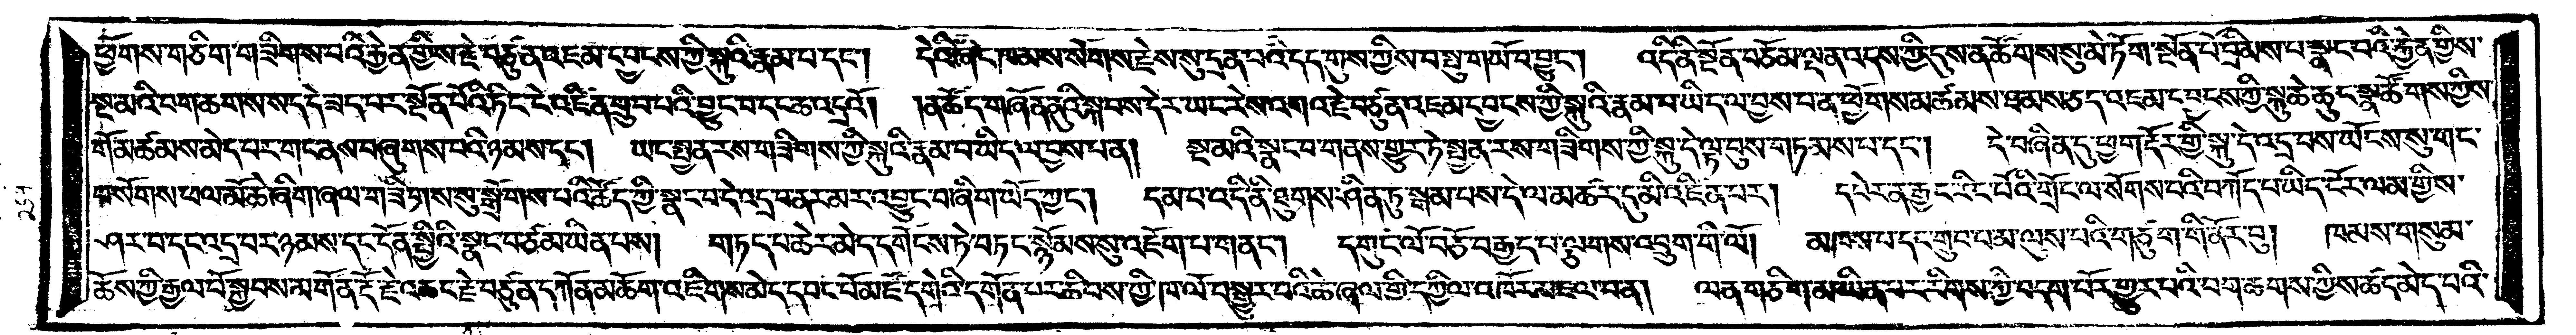ཕྱོགས་གཅིག་གཟིགས་པའི་རྐྱེན་གྱིས་རྗེ་བཙུན་འཇམ་དབྱངས་ཀྱི་སྐུའི་རྣམ་པ་དང་། དེའི་ཞིང་ཁམས་སོགས་རྗེས་སུ་དྲན་པའི་དད་གུས་ཀྱིས་བསུ་གཡོ་བ་བྱུང་། འདི་ནི་སྔོན་བཅོམ་ལྡན་འདས་ཀྱི་དུས་ན་ཚོགས་སུ་མེ་ཏོག་སྔོན་པོ་བྲིམས་པ་སྣང་བའི་རྐྱེན་གྱིས་
སྔ་མའི་བག་ཆགས་སད་དེ་ཟད་པར་སྔོན་པོའི་ཏིང་ངེ་འཛིན་གྲུབ་པའི་བྱུང་བ་དང་ཆ་འདྲའོ། །ན་ཚོད་གཞོན་ནུའི་སྐབས་དེར་ཡང་རེས་འགའ་རྗེ་བཙུན་འཇམ་དབྱངས་ཀྱི་སྐུའི་རྣམ་པ་ཡིད་ལ་བྱས་པ་ན་ཕྱོགས་མཚམས་ཐམས་ཅད་འཇམ་དབྱངས་ཀྱི་སྐུ་ཆེ་ཆུང་སྣ་ཚོགས་ཀྱིས་
གོ་མཚམས་མེད་པར་གང་ནས་བཞུགས་པའི་ཉམས་དང་། ཡང་སྤྱན་རས་གཟིགས་ཀྱི་སྐུའི་རྣམ་པ་ཡིད་ལ་བྱས་པ་ན། སྔ་མའི་སྣང་བ་གནས་གྱུར་ཏེ་སྤྱན་རས་གཟིགས་ཀྱི་སྐུ་དེ་ལྟ་བུས་གཏམས་པ་དང་། དེ་བཞིན་དུ་ཕྱག་རྡོར་གྱི་སྐུ་དེ་འདྲ་བས་ཡོངས་སུ་གང་
བ་སོགས་ཕལ་མོ་ཆེ་ཞིག་ཞལ་གཟིགས་སུ་སྒྲོགས་པའི་ཚོད་ཀྱི་སྣང་བ་དེ་འདྲ་བ་ནར་མར་འབྱུང་བ་ཞིག་ཡོད་ཀྱང་། དམ་པ་འདི་ནི་ཐུགས་ཤིན་ཏུ་སྒམ་པས་དེ་ལ་མཚར་དུ་མི་འཛིན་པར། དཔེར་ན་རྒྱང་རིང་པོའི་གྲོང་ལ་སོགས་པའི་བཀོད་པ་ཡིད་ངོར་ལམ་གྱིས་
ཤར་བ་དང་འདྲ་བར་ཉམས་དང་དོན་སྤྱིའི་སྣང་བ་ཙམ་ཡིན་པས། གཏད་པ་ཆེར་མེད་དགོངས་ཏེ་བཏང་སྙོམས་སུ་འཇོག་པ་གནང་། དགུང་ལོ་བཅོ་བརྒྱད་པ་ལྕགས་འབྲུག་གི་ལོ། །མཁས་པ་དང་གྲུབ་པ་མ་ལུས་པའི་གཙུག་གི་ནོར་བུ། །ཁམས་གསུམ་
ཆོས་ཀྱི་རྒྱལ་པོ་སྐྱབས་མགོན་རྡོ་རྗེ་འཆང་རྗེ་བཙུན་དཀོན་མཆོག་འཇིགས་མེད་དབང་པོ་མཛོད་དགེའི་དགོན་པར་ཆིབས་ཀྱི་ཁ་ལོ་བསྒྱུར་བའི་ཚེ་ཞལ་གྱི་དཀྱིལ་འཁོར་མཇལ་པ་ན། ལན་གཅིག་མ་ཡིན་པར་རིགས་ཀྱི་བདག་པོར་གྱུར་པའི་བག་ཆགས་ཀྱིས་ཚད་མེད་པའི་